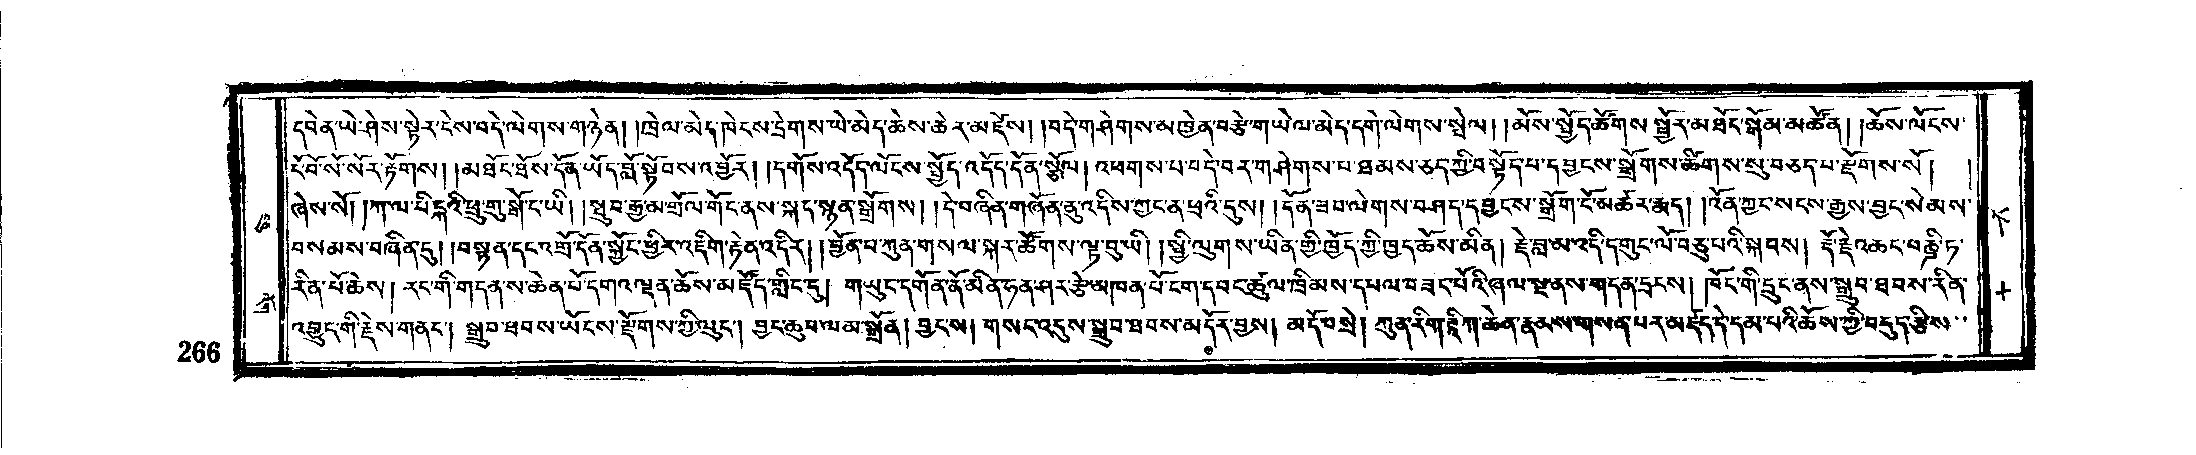དབེན་ཡེ་ཤེས་སྟེར་ངེས་བདེ་ལེགས་གཉེན། །ཁྲེལ་མེད་ཁེངས་དྲེགས་ཡེ་མེད་ཆེས་ཆེར་མཛེས། །བདེ་གཤེགས་མཁྱེན་བརྩེ་གཡེལ་མེད་དགེ་ལེགས་སྤེལ། །མོས་སྤྱོད་ཚོགས་སྦྱོར་མཐོང་སྒོམ་མཚོན། །ཆོས་ལོངས་
ངོ་བོ་སོ་སོར་རྟོགས། །མཐོང་ཐོས་དོན་ཡོད་བློ་སྟོབས་འབྱོར། །དགོས་འདོད་ལོངས་སྤྱོད་འདོད་དོན་སྩོལ། འཕགས་པ་བདེ་བར་གཤེགས་པ་ཐམས་ཅད་ཀྱི་བསྟོད་པ་དབྱངས་སྒྲོགས་ཚིགས་སུ་བཅད་པ་རྫོགས་སོ། །
ཞེས་སོ། །ཀ་ལ་པིངྐའི་ཕྲུ་གུ་སྒོ་ང་ཡི། །སྤུབ་རྒྱ་མ་གྲོལ་གོང་ནས་སྐད་སྙན་སྒྲོགས། །དེ་བཞིན་གཞོན་ནུ་འདིས་ཀྱང་ན་ཕྲའི་དུས། །དོན་ཟབ་ལེགས་བཤད་དབྱངས་སྒྲོག་ངོ་མཚར་རྨད། །འོན་ཀྱང་སངས་རྒྱས་བྱང་སེམས་
བསམས་བཞིན་དུ། །བསྟན་དང་འགྲོ་དོན་སྐྱོང་ཕྱིར་འཇིག་རྟེན་འདིར། །བྱོན་པ་ཀུན་གསལ་སྐར་ཚོགས་ལྟ་བུ་ཡི། །སྤྱི་ལུགས་ཡིན་གྱི་ཁྱོད་ཀྱི་ཁྱད་ཆོས་མིན། རྗེ་བླ་མ་འདི་དགུང་ལོ་བཅུ་པའི་སྐབས། རྡོ་རྗེ་འཆང་པཎྜི་ཏ་
རིན་པོ་ཆེས། རང་གི་གདན་ས་ཆེན་པོ་དགའ་ལྡན་ཆོས་མཛོད་གླིང་དུ། གཡུང་དགོན་ནོ་མིན་ཧན་ཤར་རྩེ་མཁན་པོ་ངག་དབང་ཚུལ་ཁྲིམས་དཔལ་བཟང་པོའི་ཞལ་སྔ་ནས་གདན་དྲངས། ཁོང་གི་དྲུང་ནས་སྒྲུབ་ཐབས་རིན་
འབྱུང་གི་རྗེས་གནང་། སྒྲུབ་ཐབས་ཡོངས་རྫོགས་ཀྱི་ལུང་། བྱང་ཆུབ་ལམ་སྒྲོན། བྱང་ས། གསང་འདུས་སྒྲུབ་ཐབས་མདོར་བྱས། མདོ་བསྲེ། ཀུན་རིག་ཌཱིཀ་ཆེན་རྣམས་གསན་པར་མཛད་དེ་དམ་པའི་ཆོས་ཀྱི་བདུད་རྩིས་